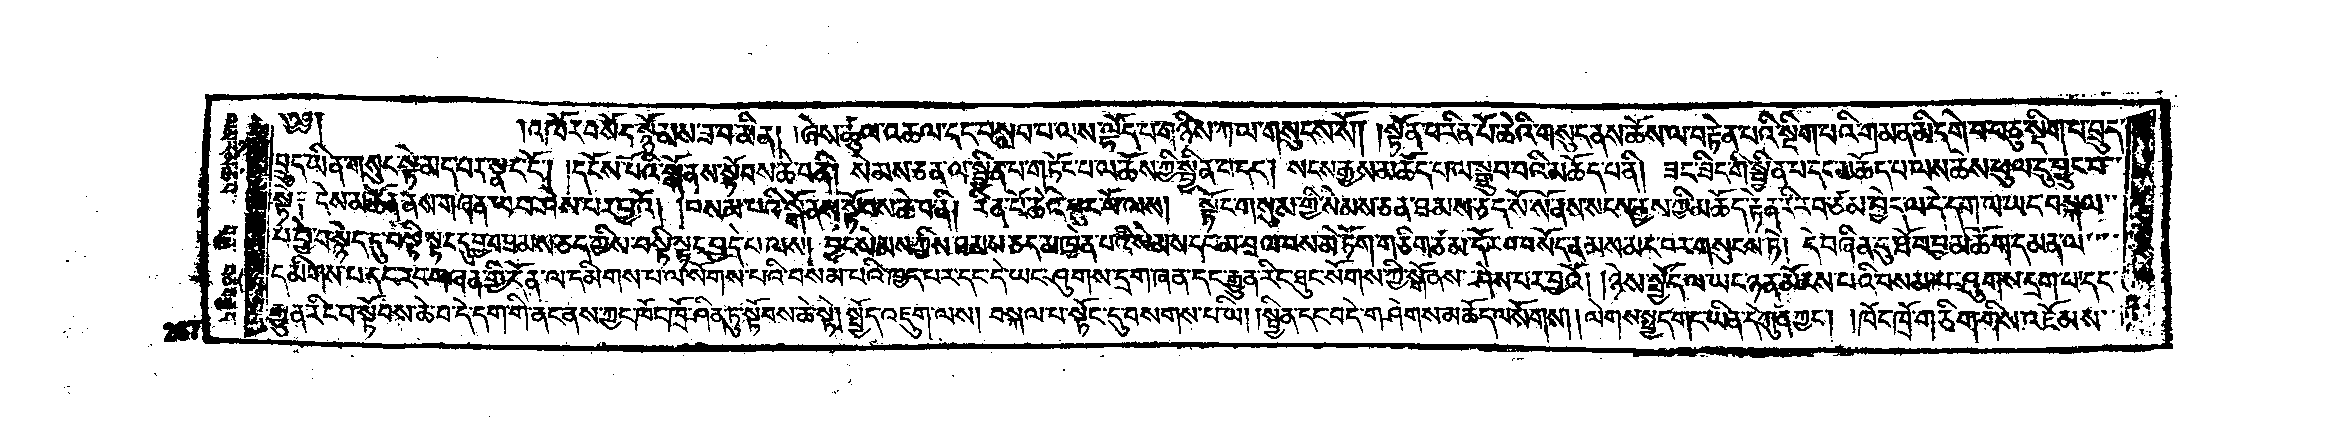༄༅། །འཁོར་བསོད་སྙོམས་ཟ་བ་མིན། །ཞེས་ཚུལ་འཆལ་དང་བསླབ་པ་ལས་ལྷོད་པ་གཉིས་ཀ་ལ་གསུངས་སོ། །སྟོན་པ་རིན་པོ་ཆེའི་གསུང་ནས་ཆོས་ལ་བརྟེན་པའི་སྡིག་པའི་གམ་ན་མི་དགེ་བ་བཅུ་སྡིག་པ་བྲུད་
བྲུད་ཡིན་གསུང་སྟེ་མེད་པར་སྣང་ངོ། །དངོས་པོའི་སྒོ་ནས་སྟོབས་ཆེ་བ་ནི། སེམས་ཅན་ལ་སྦྱིན་པ་གཏོང་བ་ལ་ཆོས་ཀྱི་སྦྱིན་པ་དང་། སངས་རྒྱས་མཆོད་པ་ལ་སྒྲུབ་པའི་མཆོད་པ་ནི། ཟང་ཟིང་གི་སྦྱིན་པ་དང་མཆོད་པ་ལས་ཆེས་ཕུལ་དུ་བྱུང་བ་
སྟེ༑ དེས་མཚོན་ནས་གཞན་ཡང་ཤེས་པར་བྱའོ། །བསམ་པའི་སྒོ་ནས་སྟོབས་ཆེ་བ་ནི། རིན་པོ་ཆེའི་ཕུང་པོ་ལས། སྟོང་གསུམ་གྱི་སེམས་ཅན་ཐམས་ཅད་སོ་སོ་ནས་སངས་རྒྱས་ཀྱི་མཆོད་རྟེན་རི་རབ་ཙམ་བྱེད་ལ་དེ་དག་ལ་ཡང་བསྐལ་
པ་བྱེ་བ་སྙེད་དུ་བསྟི་སྟང་དུ་བྱ་བ་ཐམས་ཅད་ཀྱིས་བསྟི་སྟང་བྱེད་པ་ལས། བྱང་སེམས་ཀྱིས་ཐམས་ཅད་མཁྱེན་པའི་སེམས་དང་མ་བྲལ་བས་མེ་ཏོག་གཅིག་ཙམ་དོར་བ་བསོད་ནམས་མང་བར་གསུངས་ཏེ། དེ་བཞིན་དུ་ཐོབ་བྱ་མཆོག་དམན་ལ་
དམིགས་པ་དང་རང་གཞན་གྱི་དོན་ལ་དམིགས་པ་ལ་སོགས་པའི་བསམ་པའི་ཁྱད་པར་དང་དེ་ཡང་ཤུགས་དྲག་ཞན་དང་རྒྱུན་རིང་ཐུང་སོགས་ཀྱི་སྒོ་ནས་ཤེས་པར་བྱའོ། །ཉེས་སྤྱོད་ལ་ཡང་ཉོན་མོངས་པའི་བསམ་པ་ཤུགས་དྲག་པ་དང་
རྒྱུན་རིང་བ་སྟོབས་ཆེ་ལ་དེ་དག་གི་ནང་ནས་ཀྱང་ཁོང་ཁྲོ་ཤིན་ཏུ་སྟོབས་ཆེ་སྟེ། སྤྱོད་འཇུག་ལས། བསྐལ་པ་སྟོང་དུ་བསགས་པ་ཡི། །སྦྱིན་དང་བདེ་གཤེགས་མཆོད་ལ་སོགས། །ལེགས་སྤྱད་གང་ཡིན་དེ་ཀུན་ཀྱང་། །ཁོང་ཁྲོ་གཅིག་གིས་འཇོམས་